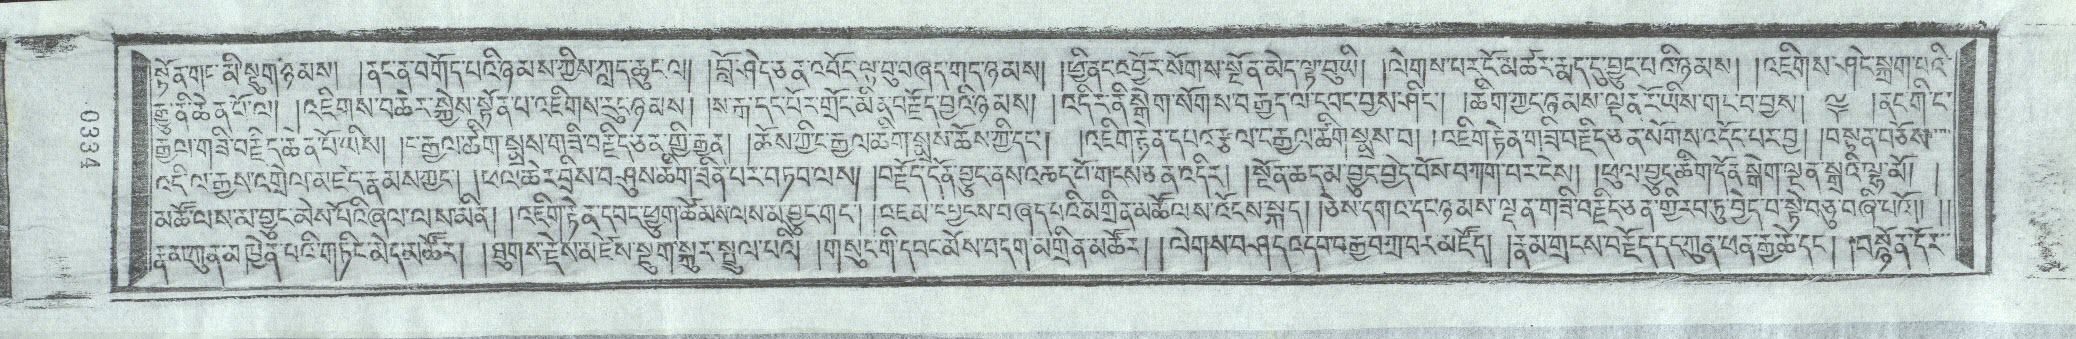སྟོན་གང་མི་སྡུག་ཉམས། །ནང་ན་བཀྲོད་པའི་ཉམས་ཀྱིས་ཀླད་ཆུང་ལ། །བློ་ཤེད་ཅན་འབོང་ལྟ་བུ་བཞད་གད་ཉམས། །ཕྱི་ནང་འབྱོར་སོགས་སྔོན་མེད་ལྟ་བུ་ཡི། །ལེགས་པར་ངོ་མཚར་རྨད་དུ་བྱུང་བའི་ཉམས། །འཇིགས་ཤིང་སྒྲ་པའི་
རྒྱུ་ནི་ཆེན་པོ་ལ། །འཇིགས་པ་ཆེན་སྐྱེས་སྟོན་པ་འཇིགས་རུང་ཉམས། །ས་རྐ་དང་པོར་གྲོང་མིན་བརྗོད་བྱའི་ཉམས། །འདིར་ནི་སྒེག་སོགས་བརྒྱད་ལ་དབང་བྱས་ཤིང་། །ཚིགས་ཀྱང་ཉམས་ལྡན་རོ་ཡིས་གང་བ་བྱས། ༈ །ནང་གི་ང་
རྒྱལ་གཟི་བརྗིད་ཆེན་པོ་ཡིས། །ང་རྒྱལ་ཚིག་སྨྲས་གཟི་བརྗིད་ཅན་གྱི་རྒྱན། །ཆོས་ཀྱི་ང་རྒྱལ་ཚིག་སྨྲས་ཆོས་ཀྱི་དང་། །འཇིག་རྟེན་དཔའ་རྩལ་ང་རྒྱལ་ཚིག་སྨྲས་པ། །འཇིག་རྟེན་གཟི་བརྗིད་ཅན་སོགས་འདོད་པར་བྱ། །བསྟན་བཅོས་
འདི་ལ་རྒྱས་འགྲེལ་མཛད་རྣམས་ཀྱང་། ཕལ་ཆེར་བྲིས་བཤུས་ཆིག་ཟིན་པར་བཏབ་ལས། །བརྗོད་དོན་བྱུང་ནས་འཆད་པོ་གངས་ཅན་འདིར། །སྔོན་ཆད་མ་བྱུང་བྱེད་པོས་བཀག་པར་ངེས། །ཕུལ་བྱུང་ཚིག་དོན་སྒེག་ལྡན་གྲའི་ལྷ་མོ། །
མཚོ་ལས་མ་བྱུང་མེས་པོའི་ཞལ་ལས་མིན། །འཇིག་རྟེན་དབང་ཕྱུག་ཚེམས་ལས་མ་བྱུང་གང་། འཇམ་དབྱངས་བཞད་པའི་མགྲིན་མཚོ་ལས་འོངས་སྐད། །ཅེས་དགའ་དང་ཉམས་ལྡན་གཟི་བརྗིད་ཅན་གྱི་རབ་ཏུ་བྱེད་བ་སྟེ་བཅུ་བཞི་པའོ།། །།
རྣམ་ཀུན་མཁྱེན་བའི་གཏིང་མེད་མཚོན། །ཐུགས་རྗེས་མཛེས་སྡུག་སྐུར་སྤྲུལ་པའི། །གསུང་གི་དབང་མོས་བདག་མགྲིན་མཚོར་།ལེགས་བཤད་འདབ་བརྒྱ་བརྐ་བར་མཛོད། །རྣམ་གྲངས་བརྗོད་དང་ཀུན་ཕན་རྒྱ་ཚེ་དང་། །བསྙོན་དོར་